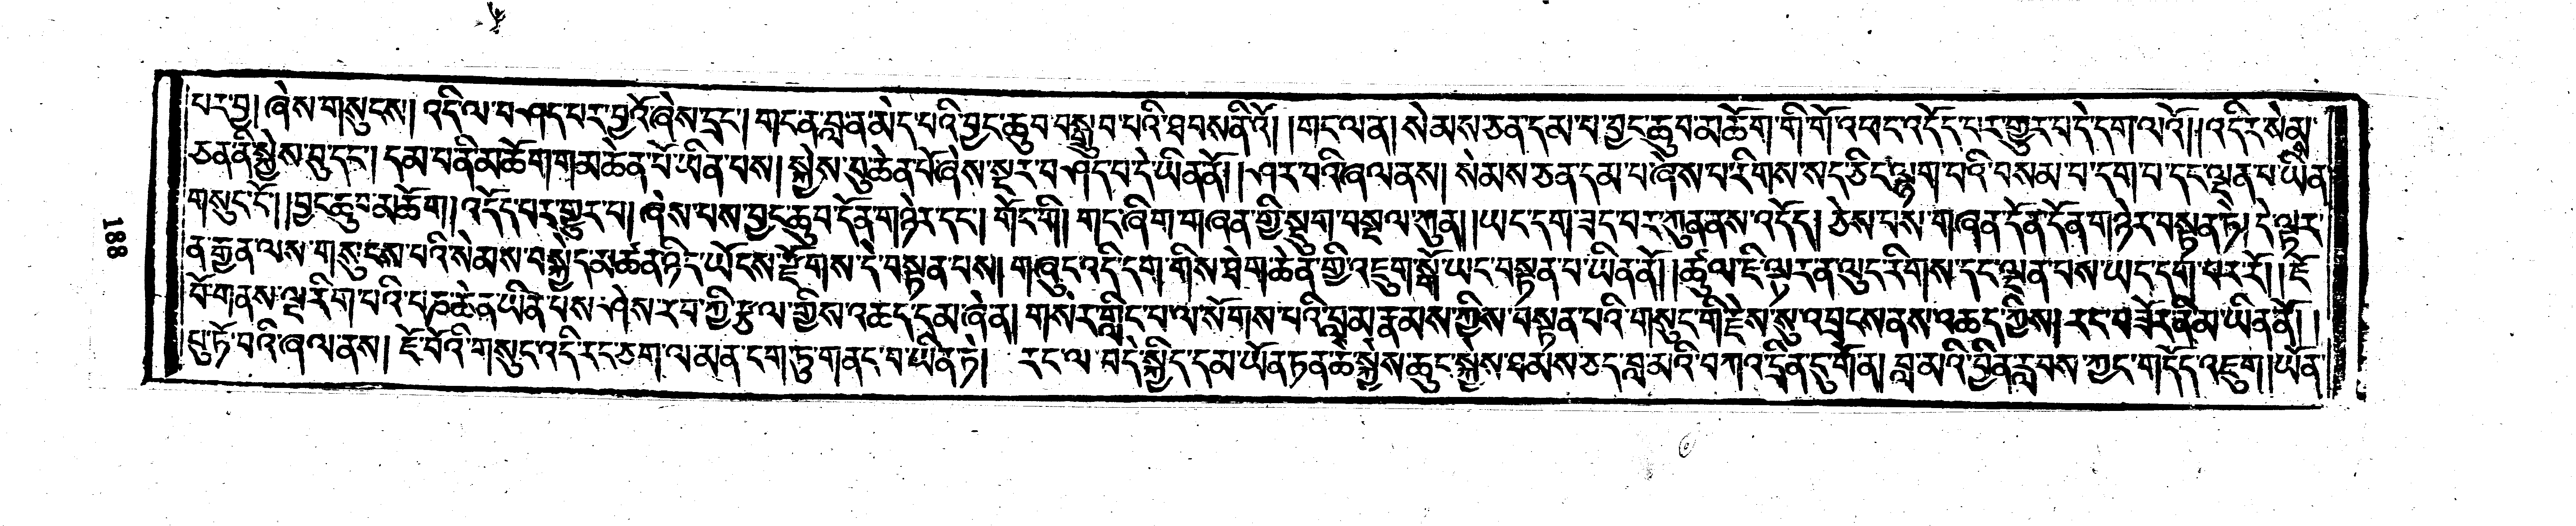པར་བྱ། ཞེས་གསུངས། འདི་ལ་བཤད་པར་བྱའོ་ཞེས་དྲང་། གང་ན་བླ་ན་མེད་པའི་བྱང་ཆུབ་བསྒྲུབ་པའི་ཐབས་ནིའོ། །གང་ལ་ན། སེམས་ཅན་དམ་པ་བྱང་ཆུབ་མཆོག་གི་གོ་འཕང་འདོད་པར་གྱུར་པ་དེ་དག་ལའོ། །འདིར་སེམས་
ཅན་ནི་སྐྱེས་བུ་དང་། དམ་པ་ནི་མཆོག་གམ་ཆེན་པོ་ཡིན་པས། སྐྱེས་བུ་ཆེན་པོ་ཞེས་སྔར་བཤད་པ་དེ་ཡིན་ནོ། །ཤ་ར་བའི་ཞལ་ནས། སེམས་ཅན་དམ་པ་ཞེས་པ་རིགས་སད་ཅིང་ལྷག་པའི་བསམ་པ་དག་པ་དང་ལྡན་པ་ཡིན་
གསུང་ངོ། །བྱང་ཆུབ་མཆོག །འདོད་པར་གྱུར་པ། ཞེས་པས་བྱང་ཆུབ་དོན་གཉེར་དང་། གོང་གི །གང་ཞིག་གཞན་གྱི་སྡུག་བསྔལ་ཀུན། །ཡང་དག་ཟད་པར་ཀུན་ནས་འདོད། ཅེས་པས་གཞན་དོན་དོན་གཉེར་བསྟན་ཏེ། དེ་ལྟར་
ན་རྒྱན་ལས་གསུངས་པའི་སེམས་བསྐྱེད་མཚན་ཉིད་ཡོངས་རྫོགས་དེ་བསྟན་པས། གཞུང་འདི་དག་གིས་ཐེག་ཆེན་གྱི་འཇུག་སྒོ་ཡང་བསྟན་པ་ཡིན་ནོ། །ཚུལ་ཇི་ལྟར་ན་ལུང་རིགས་དང་ལྡན་པས་ཡང་དག་པར་རོ། །ཇོ་
བོ་གནས་ལྔ་རིག་པའི་པཎ་ཆེན་ཡིན་པས་ཤེས་རབ་ཀྱི་རྩལ་གྱིས་འཆད་དམ་ཞེ་ན། གསེར་གླིང་པ་ལ་སོགས་པའི་བླ་མ་རྣམས་ཀྱིས་བསྟན་པའི་གསུང་གི་རྗེས་སུ་འབྲངས་ནས་འཆད་ཀྱིས། རང་བཟོར་ནི་མ་ཡིན་ནོ། །
པུ་ཏོ་བའི་ཞལ་ནས། ཇོ་བོའི་གསུང་འདི་རང་ཅག་ལ་མན་ངག་ཏུ་གནང་བ་ཡིན་ཏེ། རང་ལ་བདེ་སྐྱིད་དམ་ཡོན་ཏན་ཆེ་སྐྱེས་ཆུང་སྐྱེས་ཐམས་ཅད་བླ་མའི་བཀའ་དྲིན་དུ་གོ་ན། བླ་མའི་བྱིན་རླབས་ཀྱང་གདོད་འཇུག །ཡོན་